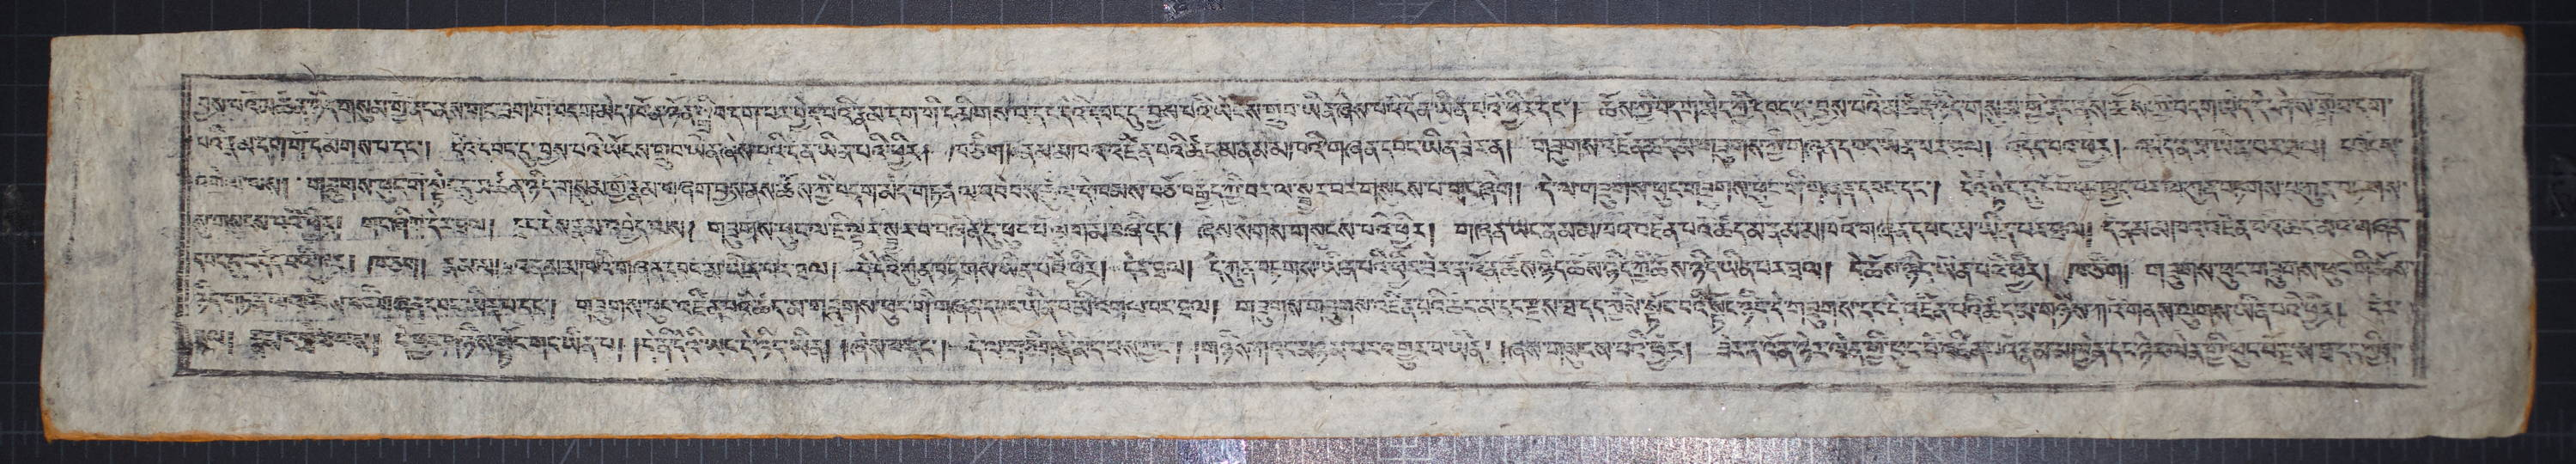བྱས་པའི་མཚན་ཉིད་གསུམ་གྱི་ནང་ནས་གང་ཟག་གི་བདག་མེད་ཁོ་ན་ཉོན་སྒྲིབ་དག་པར་བྱེད་པའི་རྣམ་དག་གི་དམིགས་པ་དང་དེའི་དབང་དུ་བྱས་པའི་ཡོངས་གྲུབ་ཡིན་ཞེས་པའི་དོན་ཡིན་པའི་ཕྱིར་དང་། ཆོས་ཀྱི་བདག་མེད་ཀྱི་དབང་དུ་བྱས་པའི་མཚན་ཉིད་གསུམ་གྱི་ནང་ནས་ཆོས་ཀྱི་བདག་མེད་དེ་ཤེས་སྒྲིབ་དག་
པའི་རྣམ་དག་གི་དམིགས་པ་དང་། དེའི་དབང་དུ་བྱས་པའི་ཡོངས་གྲུབ་ཡིན་ཞེས་པའི་དོན་ཡིན་པའི་ཕྱིར། ཁ་ཅིག །ནམ་མཁའ་འཛིན་པའི་ཚད་མ་ནམ་མཁའི་གཞན་དབང་ཡིན་ཟེར་ན། གཟུགས་འཛིན་ཚད་མ་གཟུགས་ཀྱི་གཞན་དབང་ཡིན་པར་ཐལ། འདོད་པའི་ཕྱིར། འདོད་ན་མ་ཡིན་པར་ཐལ། དགོངས་
འགྲེལ་ལས། གཟུགས་ཕུང་གི་སྟེང་དུ་མཚན་ཉིད་གསུམ་གྱི་རྣམ་གཞག་བྱས་ནས་ཆོས་ཀྱི་བདག་མེད་གཏན་ལ་འབེབས་ཚུལ་དེ་ཁམས་བཅོ་བརྒྱད་ཀྱི་བར་ལ་སྦྱར་བར་གསུངས་པ་གང་ཞིག །དེ་ལ་གཟུགས་ཕུང་གཟུགས་ཕུང་གི་གཞན་དབང་དང་། དེའི་སྟེང་དུ་ངོ་བོ་དང་ཁྱད་པར་ལ་ཀུན་བཏགས་པ་ཀུན་བཏགས་
སུ་གསུངས་པའི་ཕྱིར། གང་ཞིག་དེར་ཐལ། དྲང་ངེས་རྣམ་འབྱེད་ལས། གཟུགས་ཕུང་ལ་ཇི་ལྟར་སྦྱར་བ་བཞིན་དུ་ཕུང་པོ་ལྷག་མ་བཞི་དང་། ཞེས་སོགས་གསུངས་པའི་ཕྱིར། གཞན་ཡང་ནམ་མཁའ་འཛིན་པའི་ཚད་མ་ནམ་མཁའི་གཞན་དབང་མ་ཡིན་པར་ཐལ། དེ་ནམ་མཁའ་འཛིན་པའི་ཚད་མའི་གཞན་
དབང་དུ་འདོད་པའི་ཕྱིར། ཁ་ཅིག །ནམ་མཁའ་ནམ་མཁའི་གཞན་དབང་མ་ཡིན་པར་ཐལ། དེ་དེའི་ཀུན་བཏགས་ཡིན་པའི་ཕྱིར། དེར་ཐལ། དེ་ཀུན་བཏགས་ཡིན་པའི་ཕྱིར་ཟེར་ན་འོ་ན་ཆོས་ཉིད་ཆོས་ཉིད་ཀྱི་ཆོས་ཉིད་ཡིན་པར་ཐལ། དེ་ཆོས་ཉིད་ཡིན་པའི་ཕྱིར། ཁ་ཅིག །གཟུགས་ཕུང་གཟུགས་ཕུང་གི་ཆོས་
ཉིད་གཏན་ལ་འབེབས་པའི་གཞན་དབང་ཡིན་པ་དང་། གཟུགས་ཕུང་འཛིན་པའི་ཚད་མ་གཟུགས་ཕུང་གི་གཞན་དབང་ཡིན་པ་མི་འགལ་བར་ཐལ། གཟུགས་གཟུགས་འཛིན་པའི་ཚད་མ་དང་རྫས་ཐ་དད་ཀྱིས་སྟོང་བའི་སྟོང་ཉིད་དེ་གཟུགས་དང་དེ་འཛིན་པའི་ཚད་མ་གཉིས་ཀའི་གནས་ལུགས་ཡིན་པའི་ཕྱིར། དེར་
ཐལ། རྣམ་འགྲེལ་ལས། དེ་ཕྱིར། གཉིས་སྟོང་གང་ཡིན་པ། །དེ་ནི་དེའི་ཡང་དེ་ཉིད་ཡིན། །ཞེས་པ་དང་། དེ་ལ་གཅིག་ནི་མེད་པས་ཀྱང་། །གཉིས་ཀའང་མཉམ་པར་འགྱུར་བ་ཡིན། །ཞེས་གསུངས་པའི་ཕྱིར། ཟེར་ན་འོ་ན་ཉེར་ལེན་གྱི་ཕུང་པོ་འཛིན་པའི་རྣམ་མཁྱེན་དང་ཉེར་ལེན་གྱི་ཕུང་པོ་རྫས་ཐ་དད་ཀྱིས་